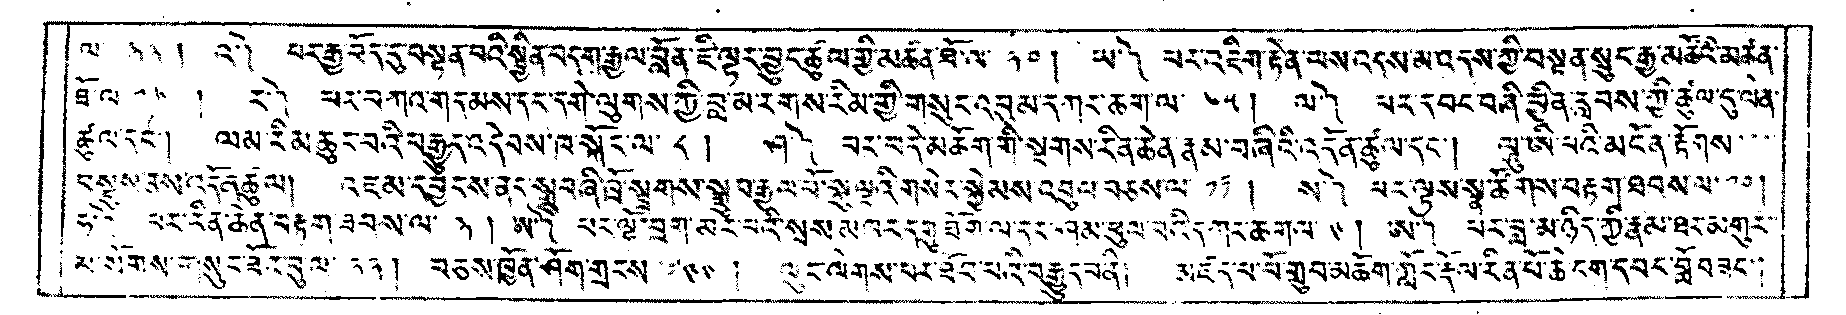ལ ༣༣། འ྄་པར་རྒྱ་བོད་དུ་བསྟན་པའི་སྦྱིན་བདག་རྒྱལ་བློན་ཇི་ལྟར་བྱུང་ཚུལ་གྱི་མཚན་ཐོ་ལ ༢༠། ཡ྄་པར་འཇིག་རྟེན་ལས་འདས་མ་འདས་ཀྱི་བསྟན་སྲུང་རྒྱ་མཚོའི་མཚན་
ཐོ་ལ ༡༦། ར྄་པར་བཀའ་གདམས་དང་དགེ་ལུགས་ཀྱི་བླ་མ་རགས་རིམ་གྱི་གསུང་འབུམ་དཀར་ཆག་ལ ༦༥། ལ྄་པར་དབང་བཞི་བྱིན་རླབས་ཀྱི་ཚུལ་དུ་ལེན་
ཚུལ་དང་། ལམ་རིམ་ཆུང་བའི་བརྒྱུད་འདེབས་ཁ་སྐོང་ལ ༨། ཤ྄་པར་བདེ་མཆོག་གི་སྔགས་རིན་ཆེན་རྣམ་བཞིའི་འདོན་ཚུལ་དང་། ལཱུ་ཨི་པའི་མངོན་རྟོགས་
བསྡུས་ནས་འདོན་ཚུལ། འཇམ་དབྱངས་ནང་སྒྲུབ་ཞི་ཁྲོ་སྦྲགས་སྒྲུབ་རྒྱལ་པོ་སྐུ་ལྔའི་གསེར་སྐྱེམས་འབུལ་བཅས་ལ ༡༡། ས྄་པར་ལྟས་སྣ་ཚོགས་བརྟག་ཐབས་ལ ༡༠།
ཧ྄་པར་རིན་ཆེན་བརྟག་ཐབས་ལ ༣། ཨ྄་པར་ལྷོ་བྲག་མར་པའི་སྲས་མཁར་དགུ་ཐོག་ལ་དར་ཤམ་ཕུལ་བའི་དཀར་ཆག་ལ ༤། ཨ྄་པར་བླ་མ་ཉིད་ཀྱི་རྣམ་ཐར་མགུར་
མ་སོགས་གསུང་ཐོར་བུ་ལ ༢༢། བཅས་ཁྱོན་ཤོག་གྲངས ༧༤༤། ལུང་ལེགས་པར་ཐོབ་པའི་བརྒྱུད་པ་ནི། མཛད་པ་པོ་གྲུབ་མཆོག་ཀློང་རྡོལ་རིན་པོ་ཆེ་ངག་དབང་བློ་བཟང་།